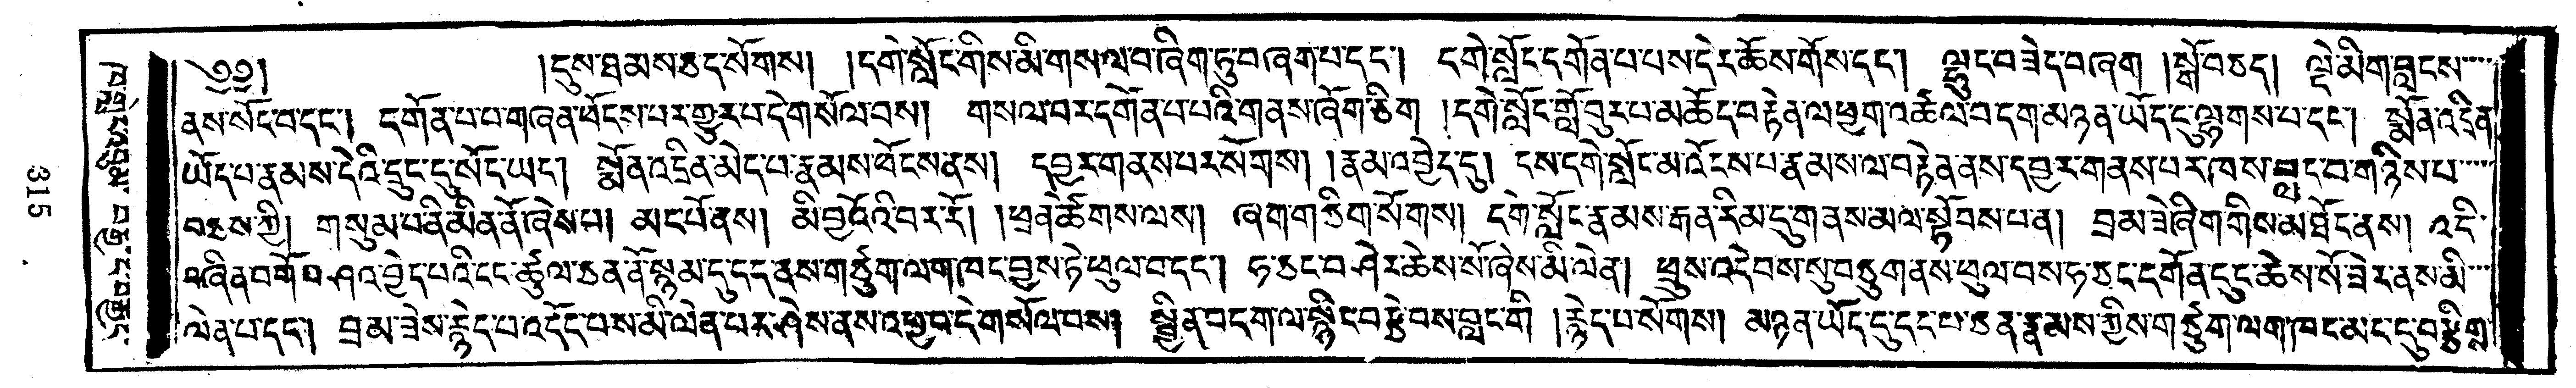༄༅། །དུས་ཐམས་ཅད་སོགས། །དགེ་སློང་གིས་མི་གསལ་བ་ཞིག་ཏུ་བཞག་པ་དང་། དགེ་སློང་དགོན་པ་བས་དེར་ཆོས་གོས་དང་། ལྷུང་བཟེད་བཞག །སྒོ་བཅད། ལྡེ་མིག་བླངས་
ནས་སོང་བ་དང་། དགོན་པ་བ་གཞན་ཕོངས་པར་གྱུར་པ་དེ་གསོལ་བས། གསལ་བར་དགོན་པ་པའི་གནས་ཞོག་ཅིག །དགེ་སློང་གློ་བུར་པ་མཆོད་བརྟེན་ལ་ཕྱག་འཚལ་བ་དག་མཉན་ཡོད་དུ་ལྷགས་པ་དང་། སྨོན་འདྲིན་
ཡོད་པ་རྣམས་དེའི་དྲུང་དུ་སོང་ཡང་། སྨོན་འདྲིན་མེད་པ་རྣམས་ཕོངས་ནས། དབྱར་གནས་པར་སོགས། །རྣམ་འབྱེད་དུ། ངས་དགེ་སློང་མ་འོངས་པ་རྣམས་ལ་བརྟེན་ནས་དབྱར་གནས་པར་ཁས་བླངས་པ་གཉིས་པ་
བཅས་ཀྱི། གསུམ་པ་ནི་མིན་ནོ་ཞེས་པ། མང་པོ་ནས། མི་བྱའོའི་བར་རོ། །ཕྲན་ཚེགས་ལས། ཞག་གཅིག་སོགས། དགེ་སློང་རྣམས་རྒན་རིམ་དུ་གནས་མལ་སྟོབས་པ་ན། བྲམ་ཟེ་ཞིག་གིས་མཐོང་ནས། འདི་
བཞིན་བགོ་བཤའ་བྱེད་པའི་ངང་ཚུལ་ཅན་ནོ་སྙམ་དུ་དད་ནས་གཙུག་ལག་ཁང་བྱས་ཏེ་ཕུལ་བ་དང་། ཧ་ཅང་བཤེར་ཆེས་སོ་ཞེས་མི་ལེན། ཕྲུས་འདེབས་སུ་བཅུག་ནས་ཕུལ་བས་ཧ་ཅང་དགོན་དུང་ཆེས་སོ་ཟེར་ནས་མི་
ལེན་པ་དང་། བྲམ་ཟེས་རྙེད་པ་འདོད་པས་མི་ལེན་པར་ཤེས་ནས་འཕྱ་བ་དེ་གསོལ་བས། སྦྱིན་བདག་ལ་སྙིང་བརྩེབས་བླང་གི །རྙེད་པ་སོགས། མཉན་ཡོད་དུ་དང་བ་ཅན་རྣམས་ཀྱིས་གཙུག་ལག་ཁང་མང་དུ་བརྩིགས་